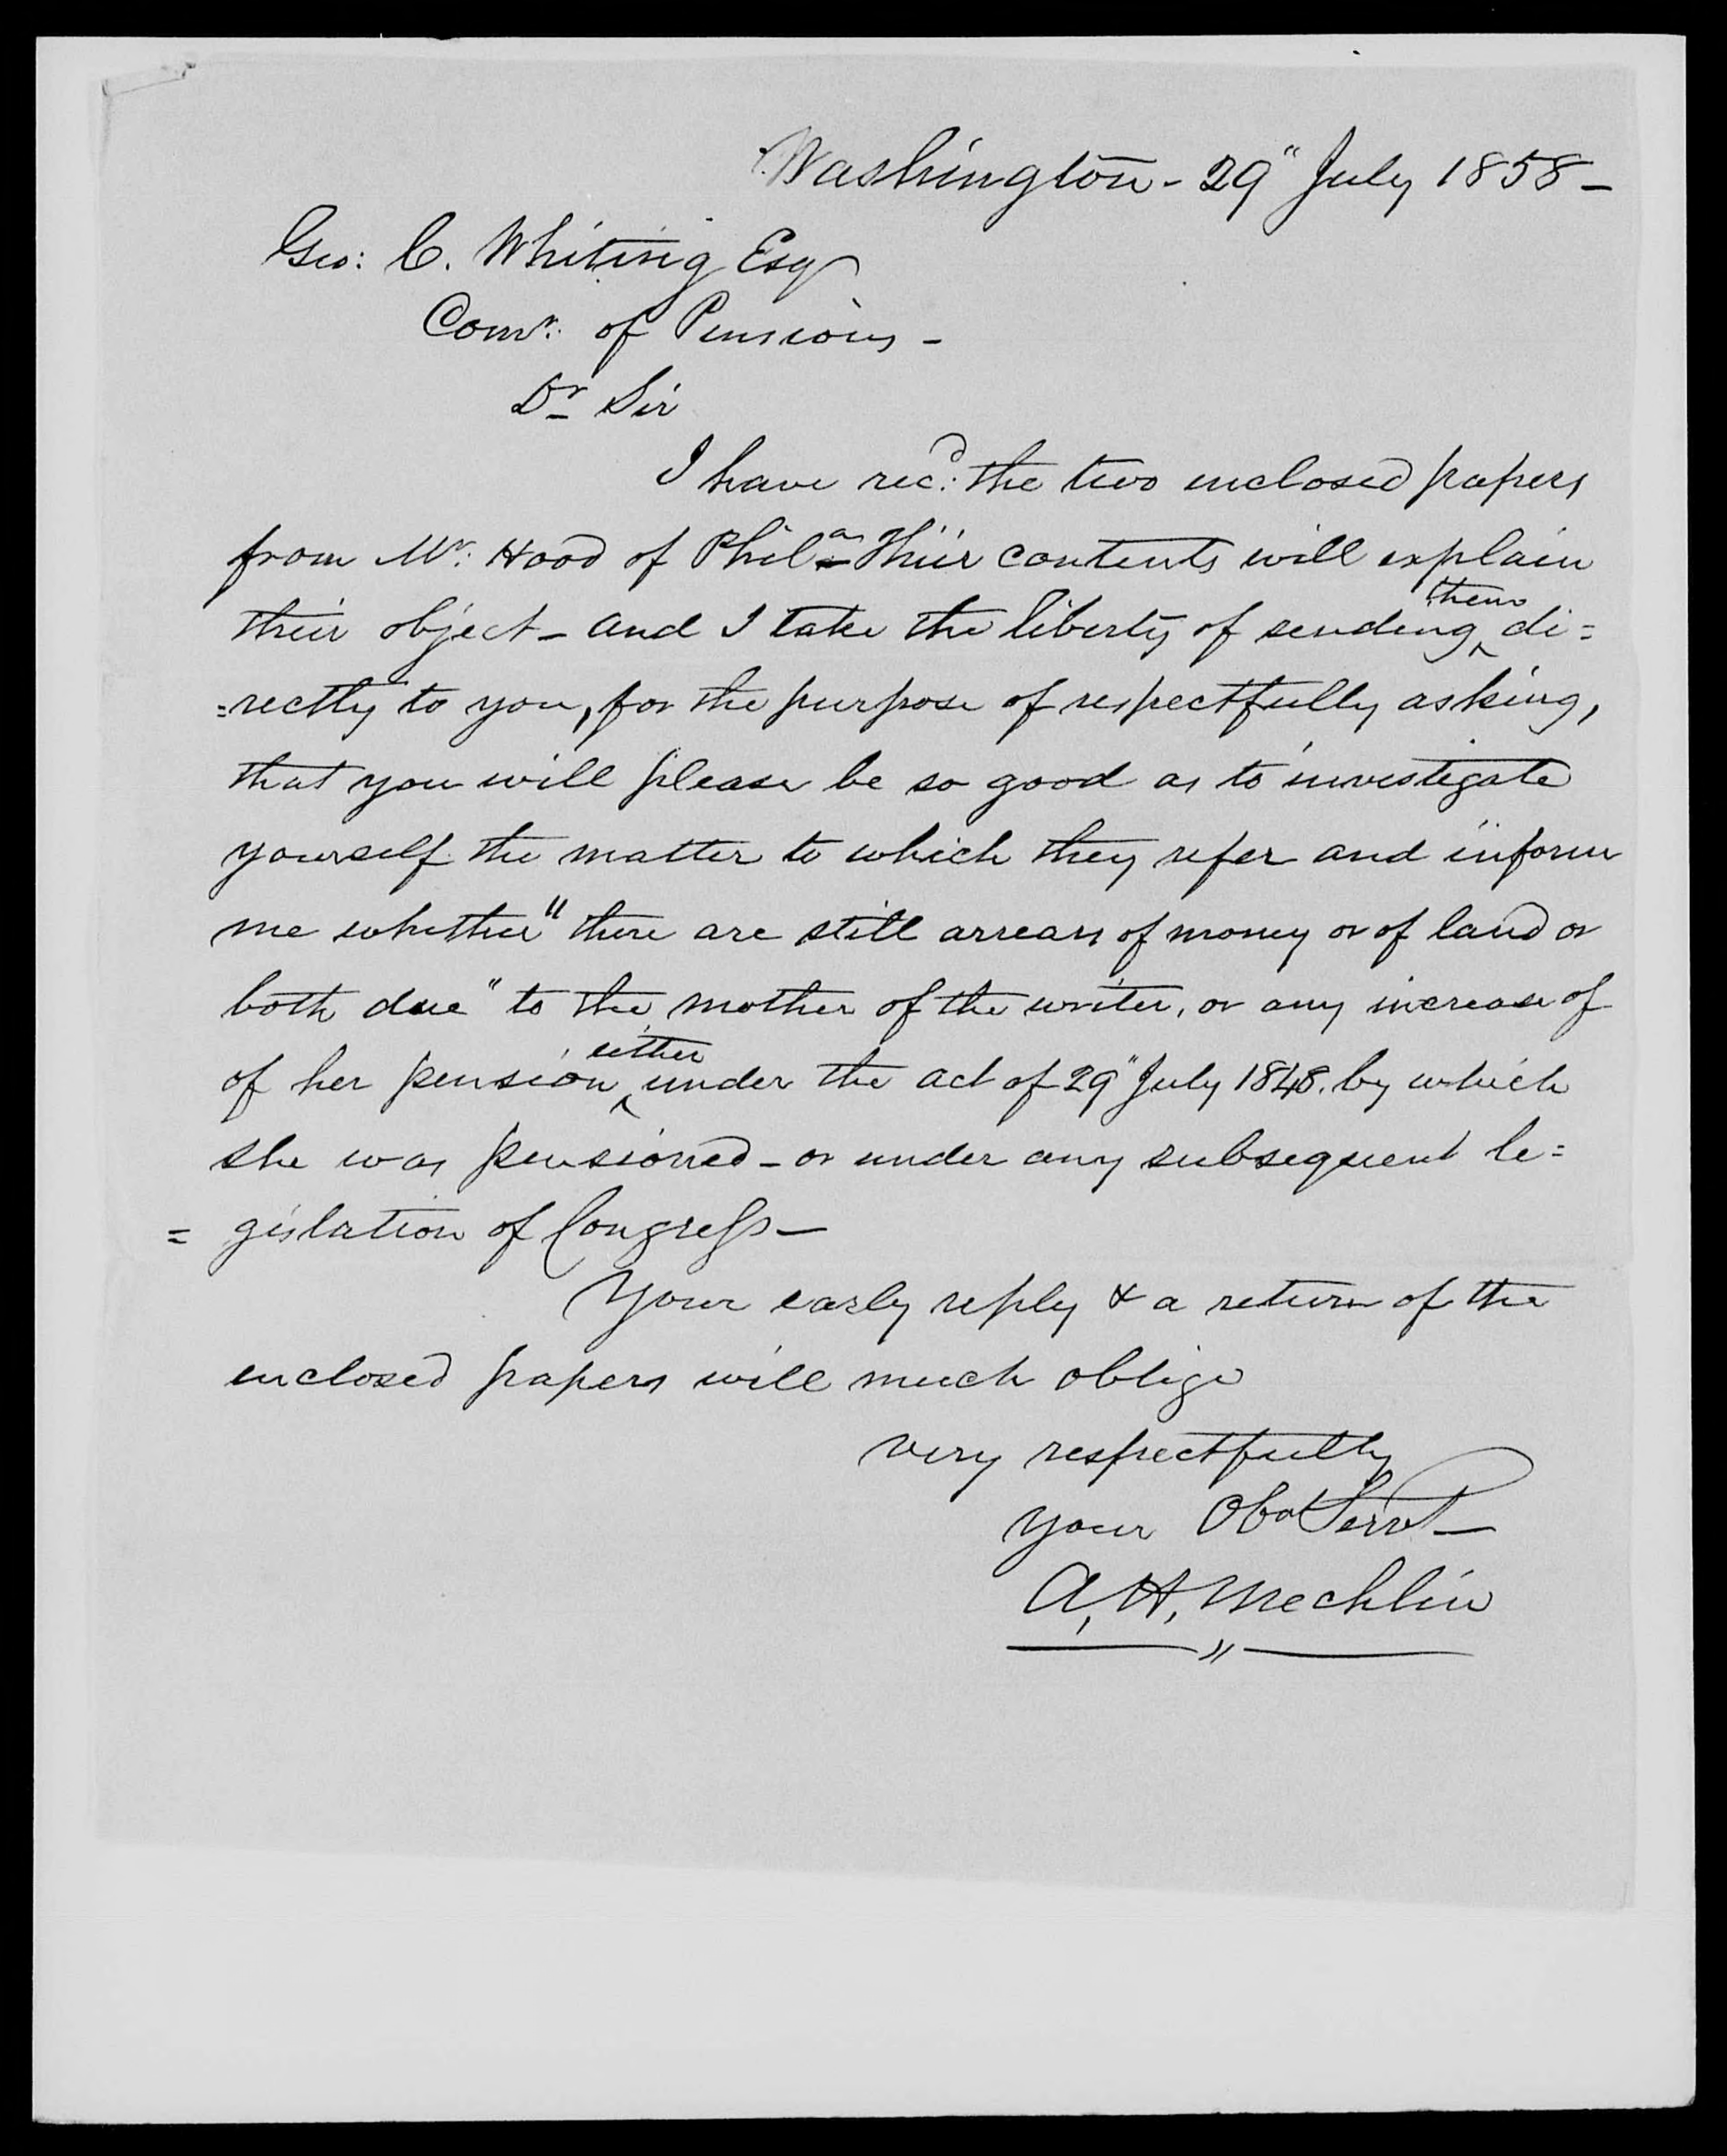Washington 29 July 1858
C. Whiting, Esq.
Commissioner of Pensions

Dear sir, 
I have received the two enclosed papers from Mr. Hood of Philadelphia. These contents will explain their object and I take the liberty of sending them directly to you for the purpose of respectfully asking, that you will please be so good as to investigate yourself the matter to which they refer and inform me whether “there are still arrear of money or of land or both due” to the mother of the writer, or any increase of her pension either under the act of 29th July 1848, by which she was pensioned or under any subsequent legislation of Congress.
Your early reply and a return of the enclosed will [be] much oblige[d].
Very respectfully your obedient servant,
A. H. Mechlin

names: Geo C Whiting, A H Mechlin, Hood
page: 24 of 51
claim: widow's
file: W 8939, George Hood, Continental Va.